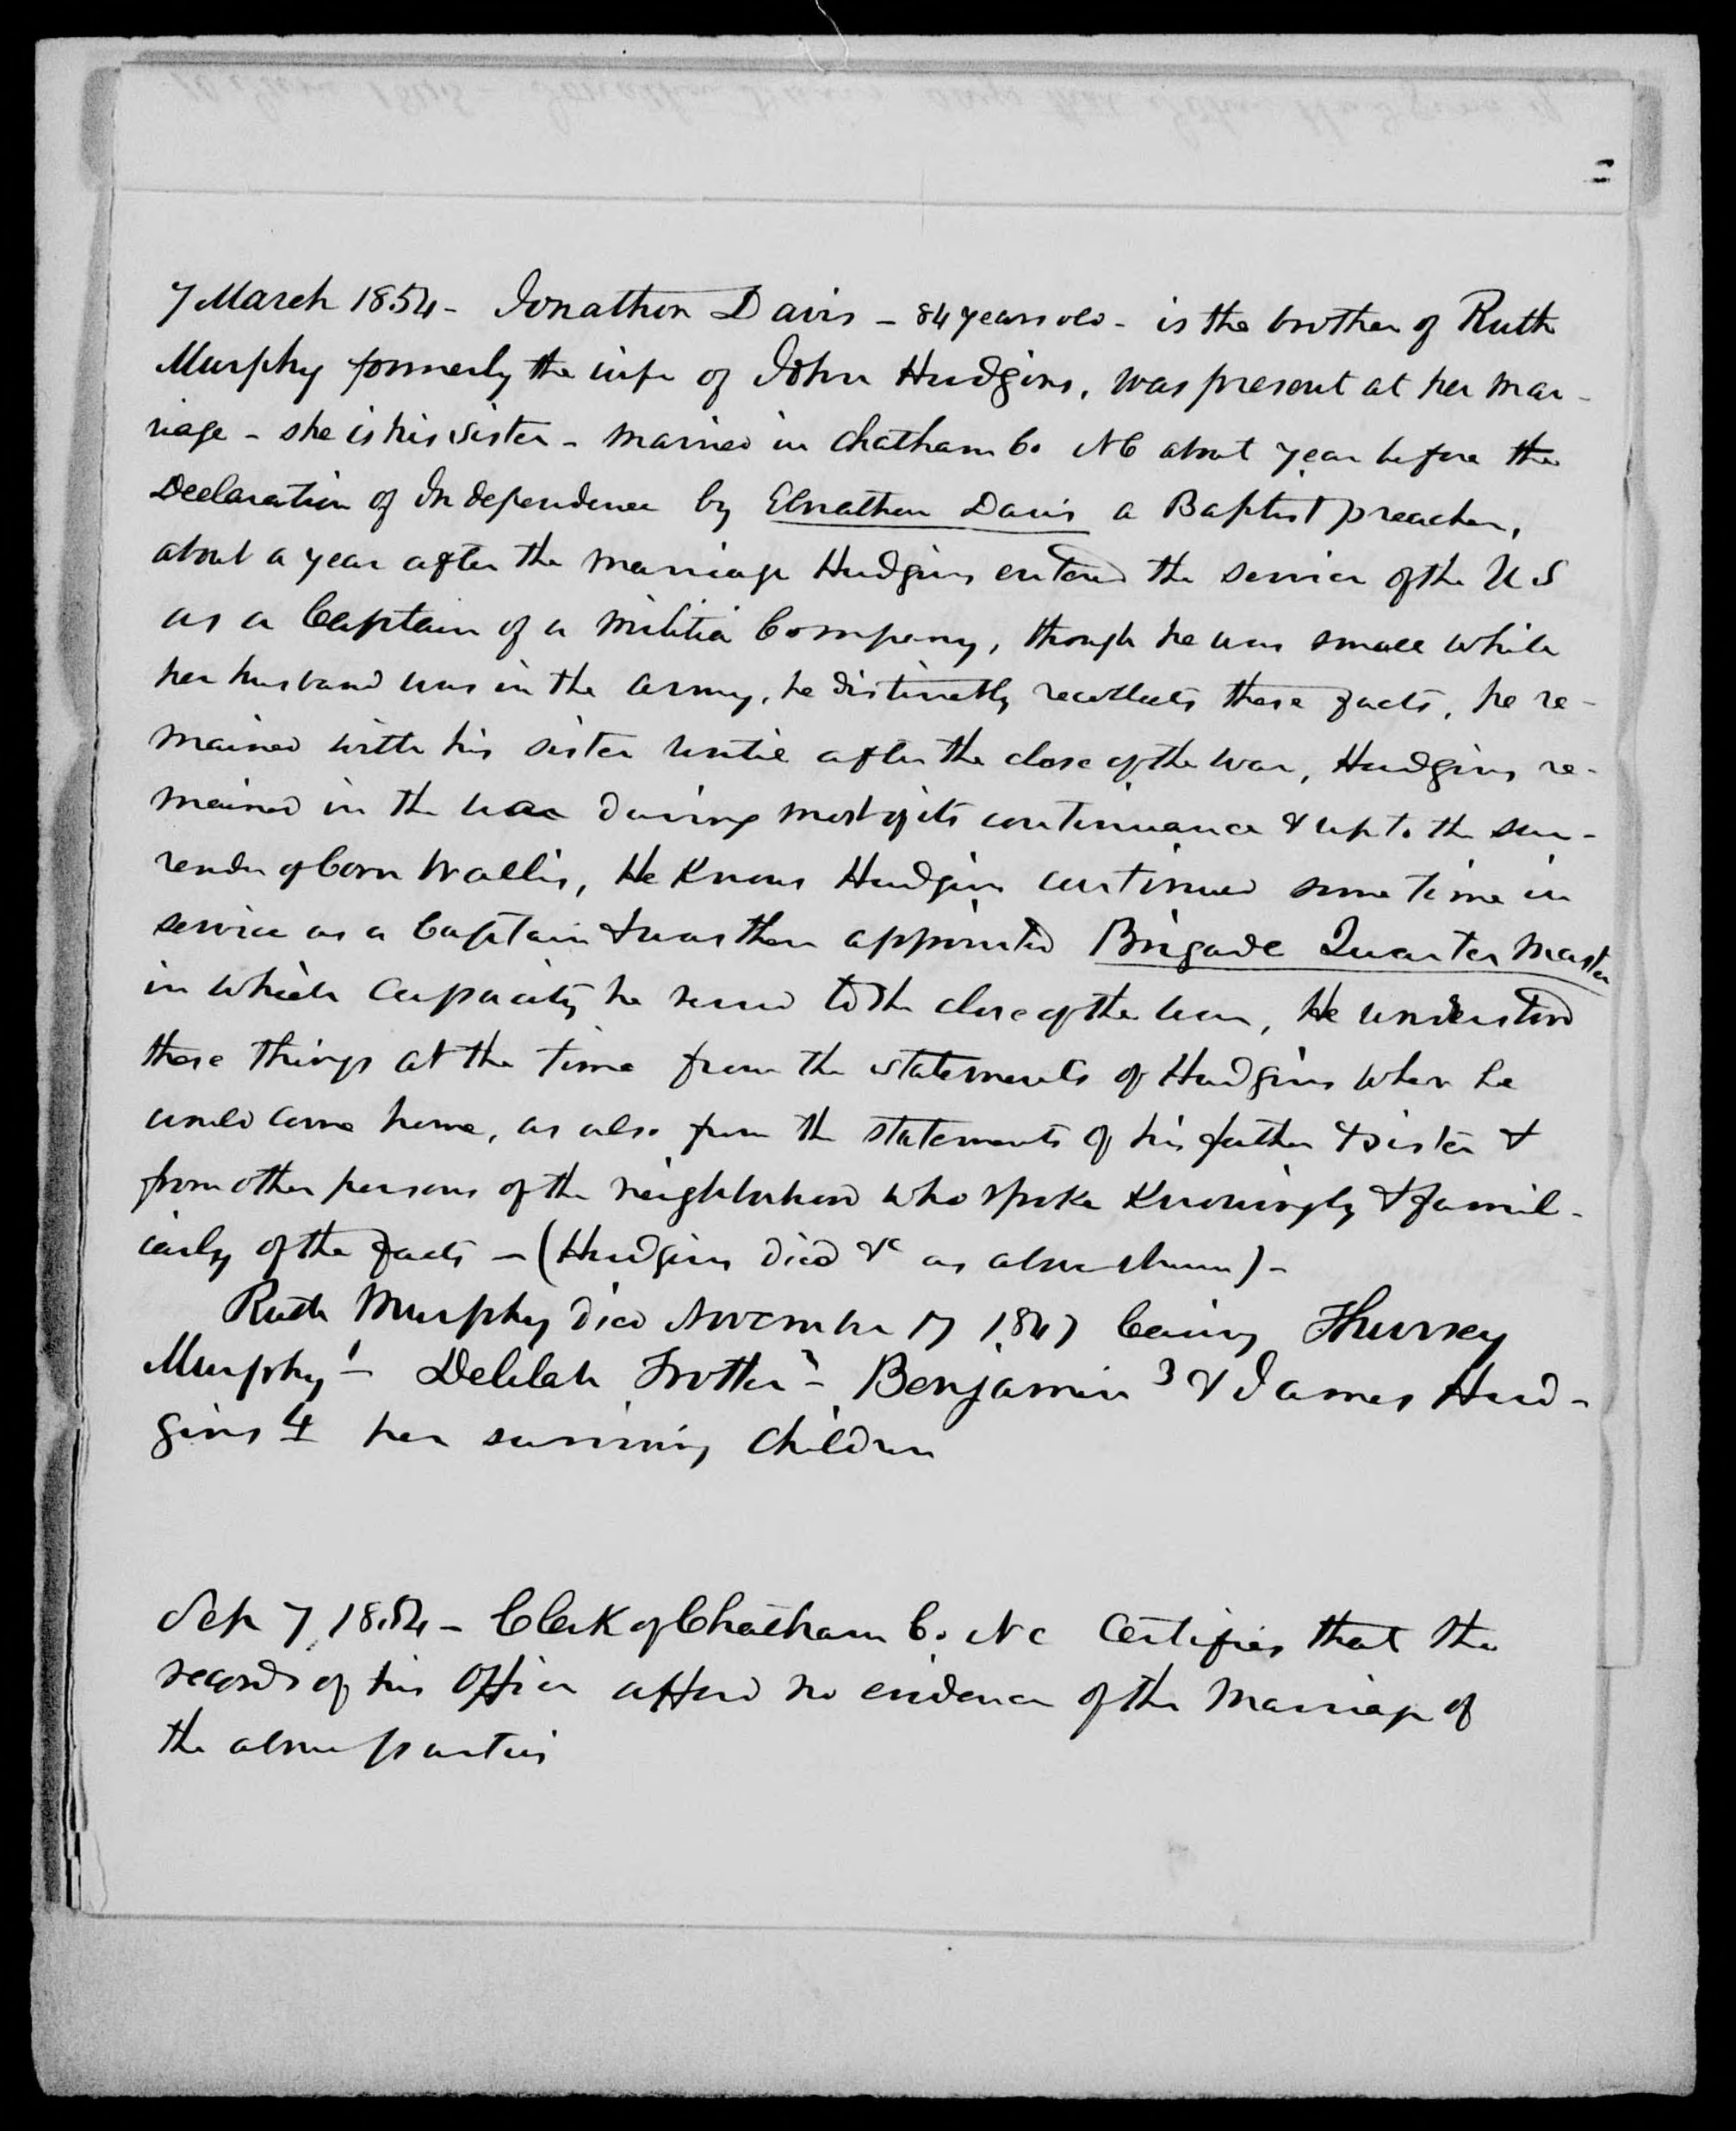7 March 1856 - Jonathon Davis - 84 years old - is the brother of Ruth Murphy formerly the wife of John Hudgins, was present at her marriage - she is his sister - married in Chatham County NC about year before the Declaration of Independence by Elnathan Davis, a Baptist preacher, about a year after the marriage Hudgins entered the service of the US as a Captain of a Militia Company, though he was small while her husband was in the army, he distinctly recalls these facts, he remained with his sister until after the close of the war.  Hudgins remained in the war during (not legible) continuance and up to the surrender of CornWallace, he knows Hudgins continued sometime in service as a Captain and was then appointed Brigade Quarter Master (underlined) in which capacity he was to the end of the war, he understood these things at the time from the statements of Hudgins when he came home, as also from the statement of his father & sister & from the persons of the neighbors who spoke knowingly of familiar of the facts.-(Hudgins died (initials VC) as not legible)
Ruth Murphy, died September 17 1861) being Thurney Murphy, Delilah (not legible) Benjamin and James Hudgins her serviving children.

Sept 7 1854  - Clerk of Chatham Court Certified that this record of his office afford no evidence of the marriage of the above parties.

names: James Hudgins, Ruth Murphy, John Hudgins, Jonathan Davis, Benjamin, Elnathan Davis, Delilah Trotter, Thursey Murphy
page: 54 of 108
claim: rejected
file: R. 7,515, John Hudgins, N.C.